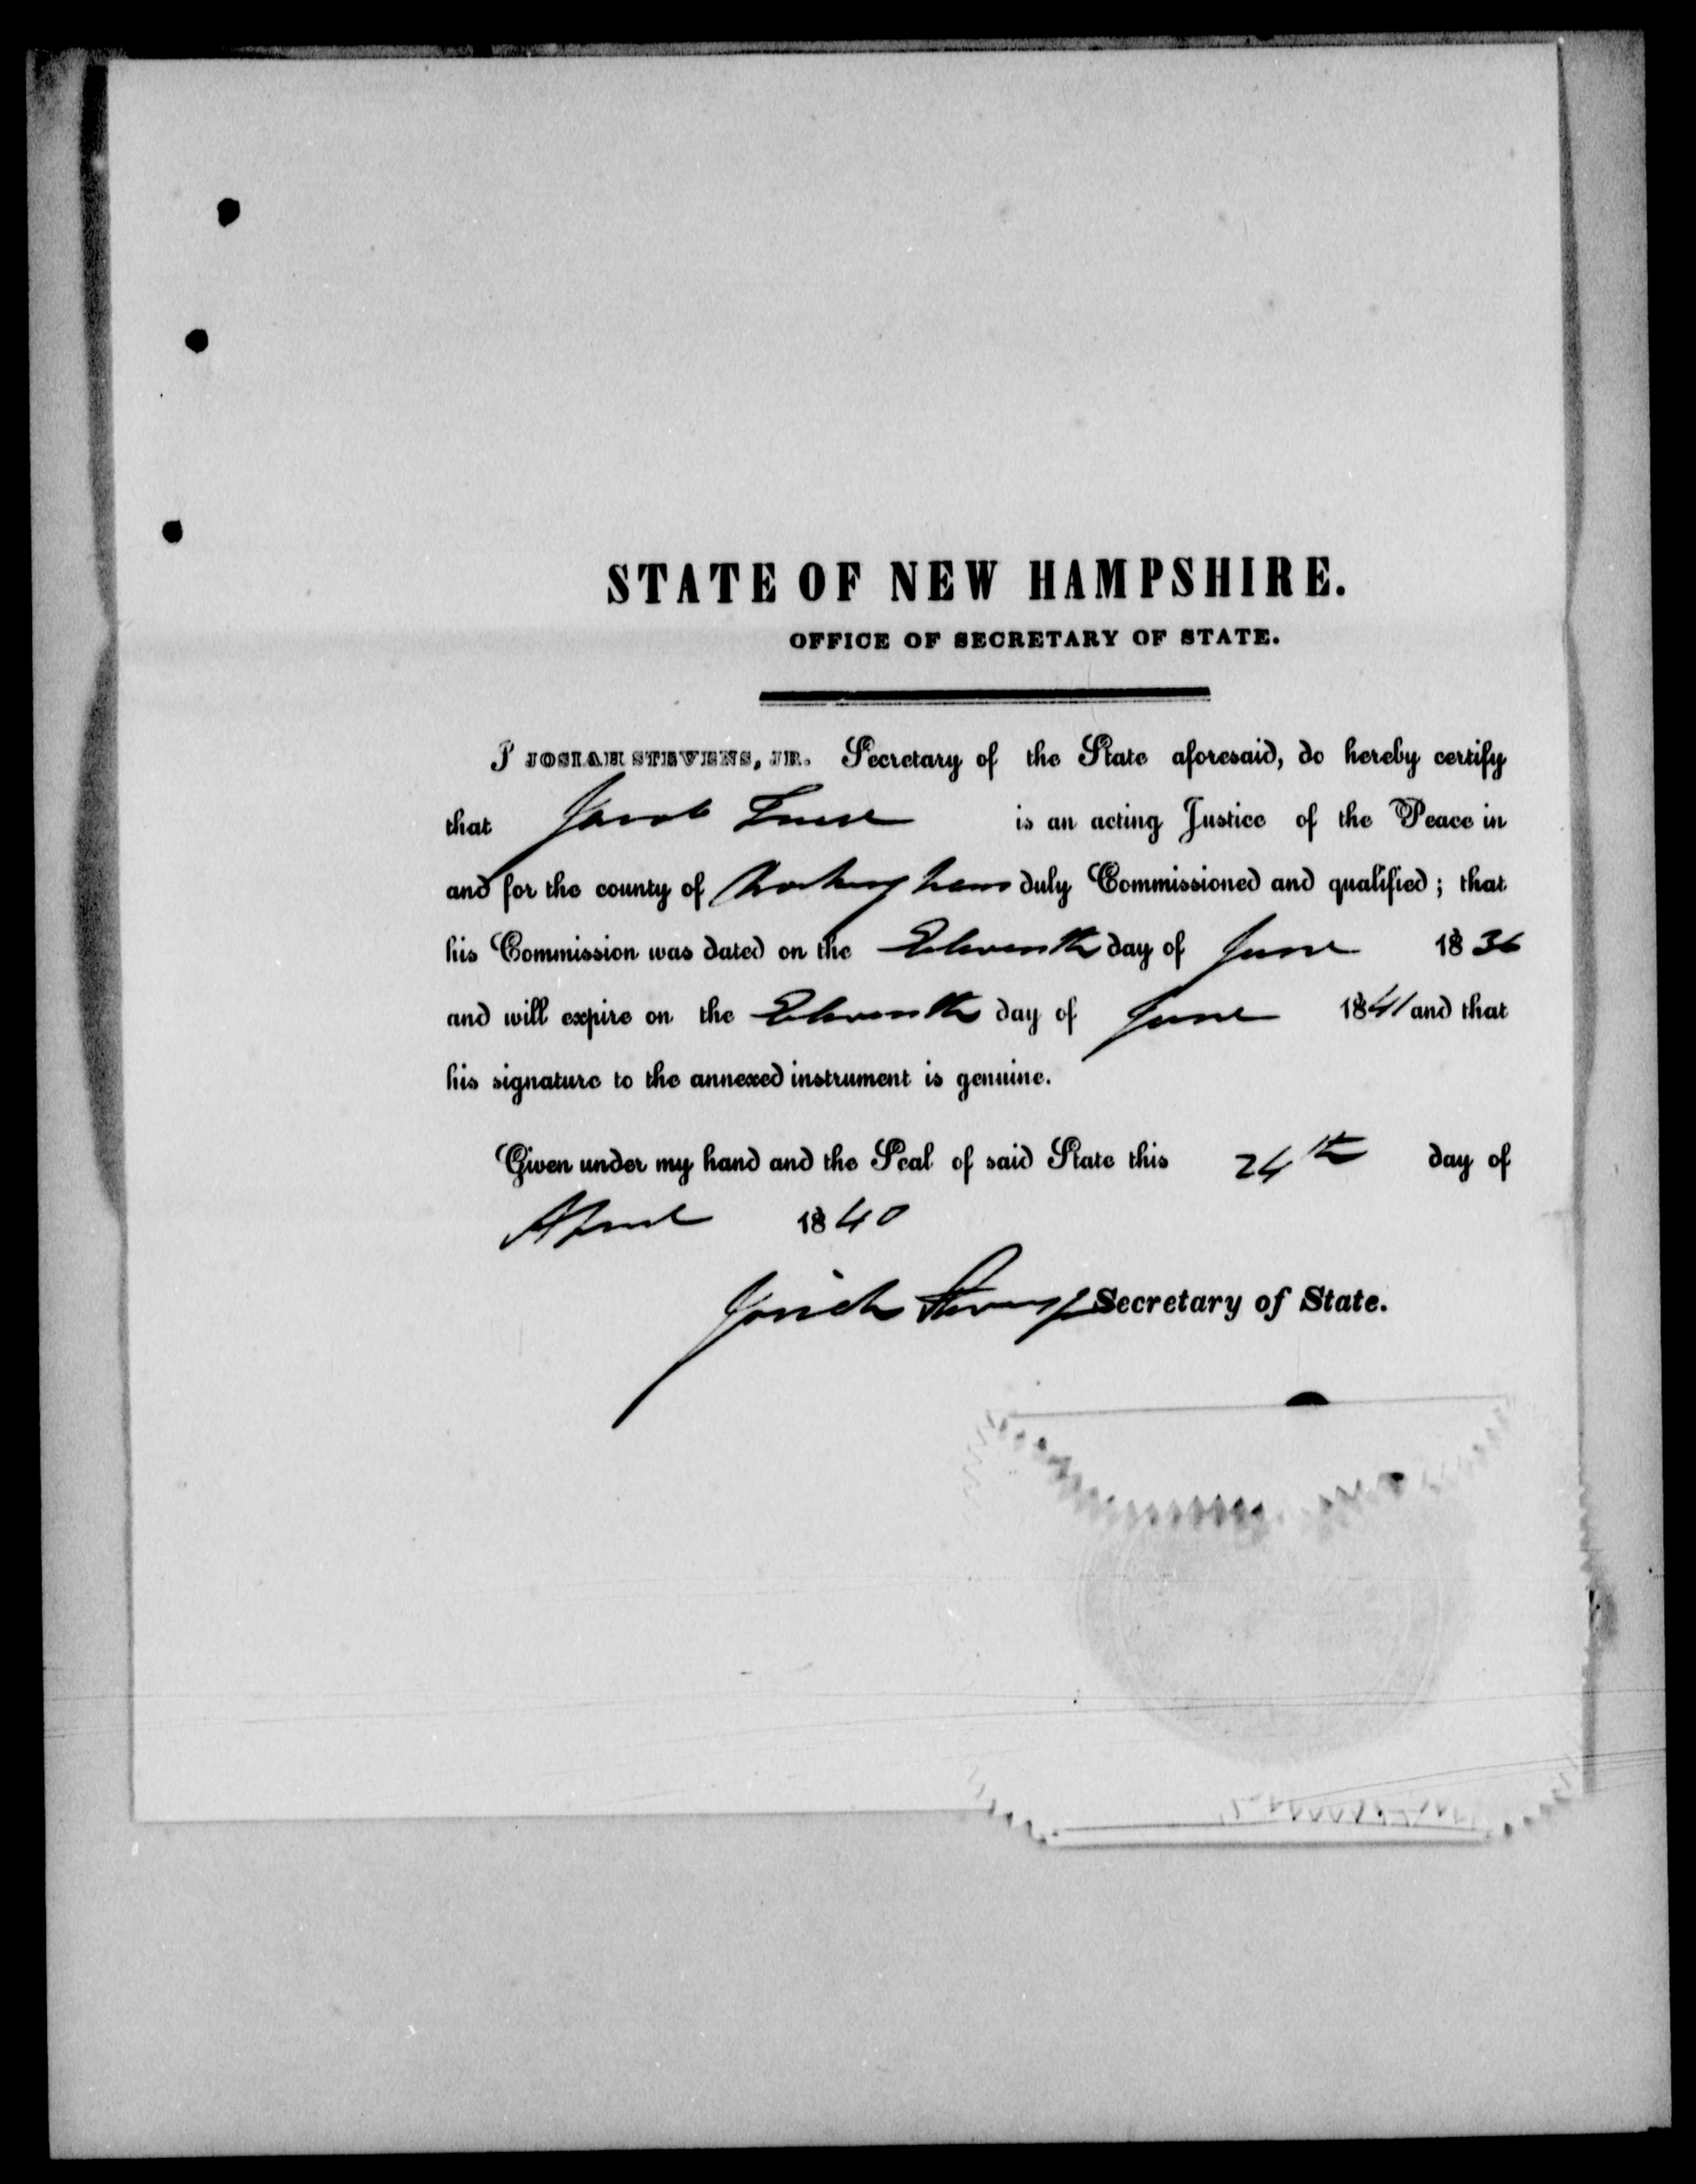State of New Hampshire
Office of Secretary of STate.
I Josiah Stevens, Jr, Secretary of the State of aforesaid, do hereby certify that Josiah Stevens is an acting Justice of the Peace in and for the county of Rockingham duly Commissioned and qualified; that his Commission was dated on the Eleventh day of June 1836 and will expire on the Eleventh day of June 1841 and that his signature to the annexed instrument is genuine.
Given under my hand and the Seal of said State this 24th day of April 1840
Josiah Stevens, Secretary of State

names: Josiah Stevens, Jacob True, Josiah Stevens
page: 6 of 24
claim: widow's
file: W. 16,451, Abraham True, N.H.